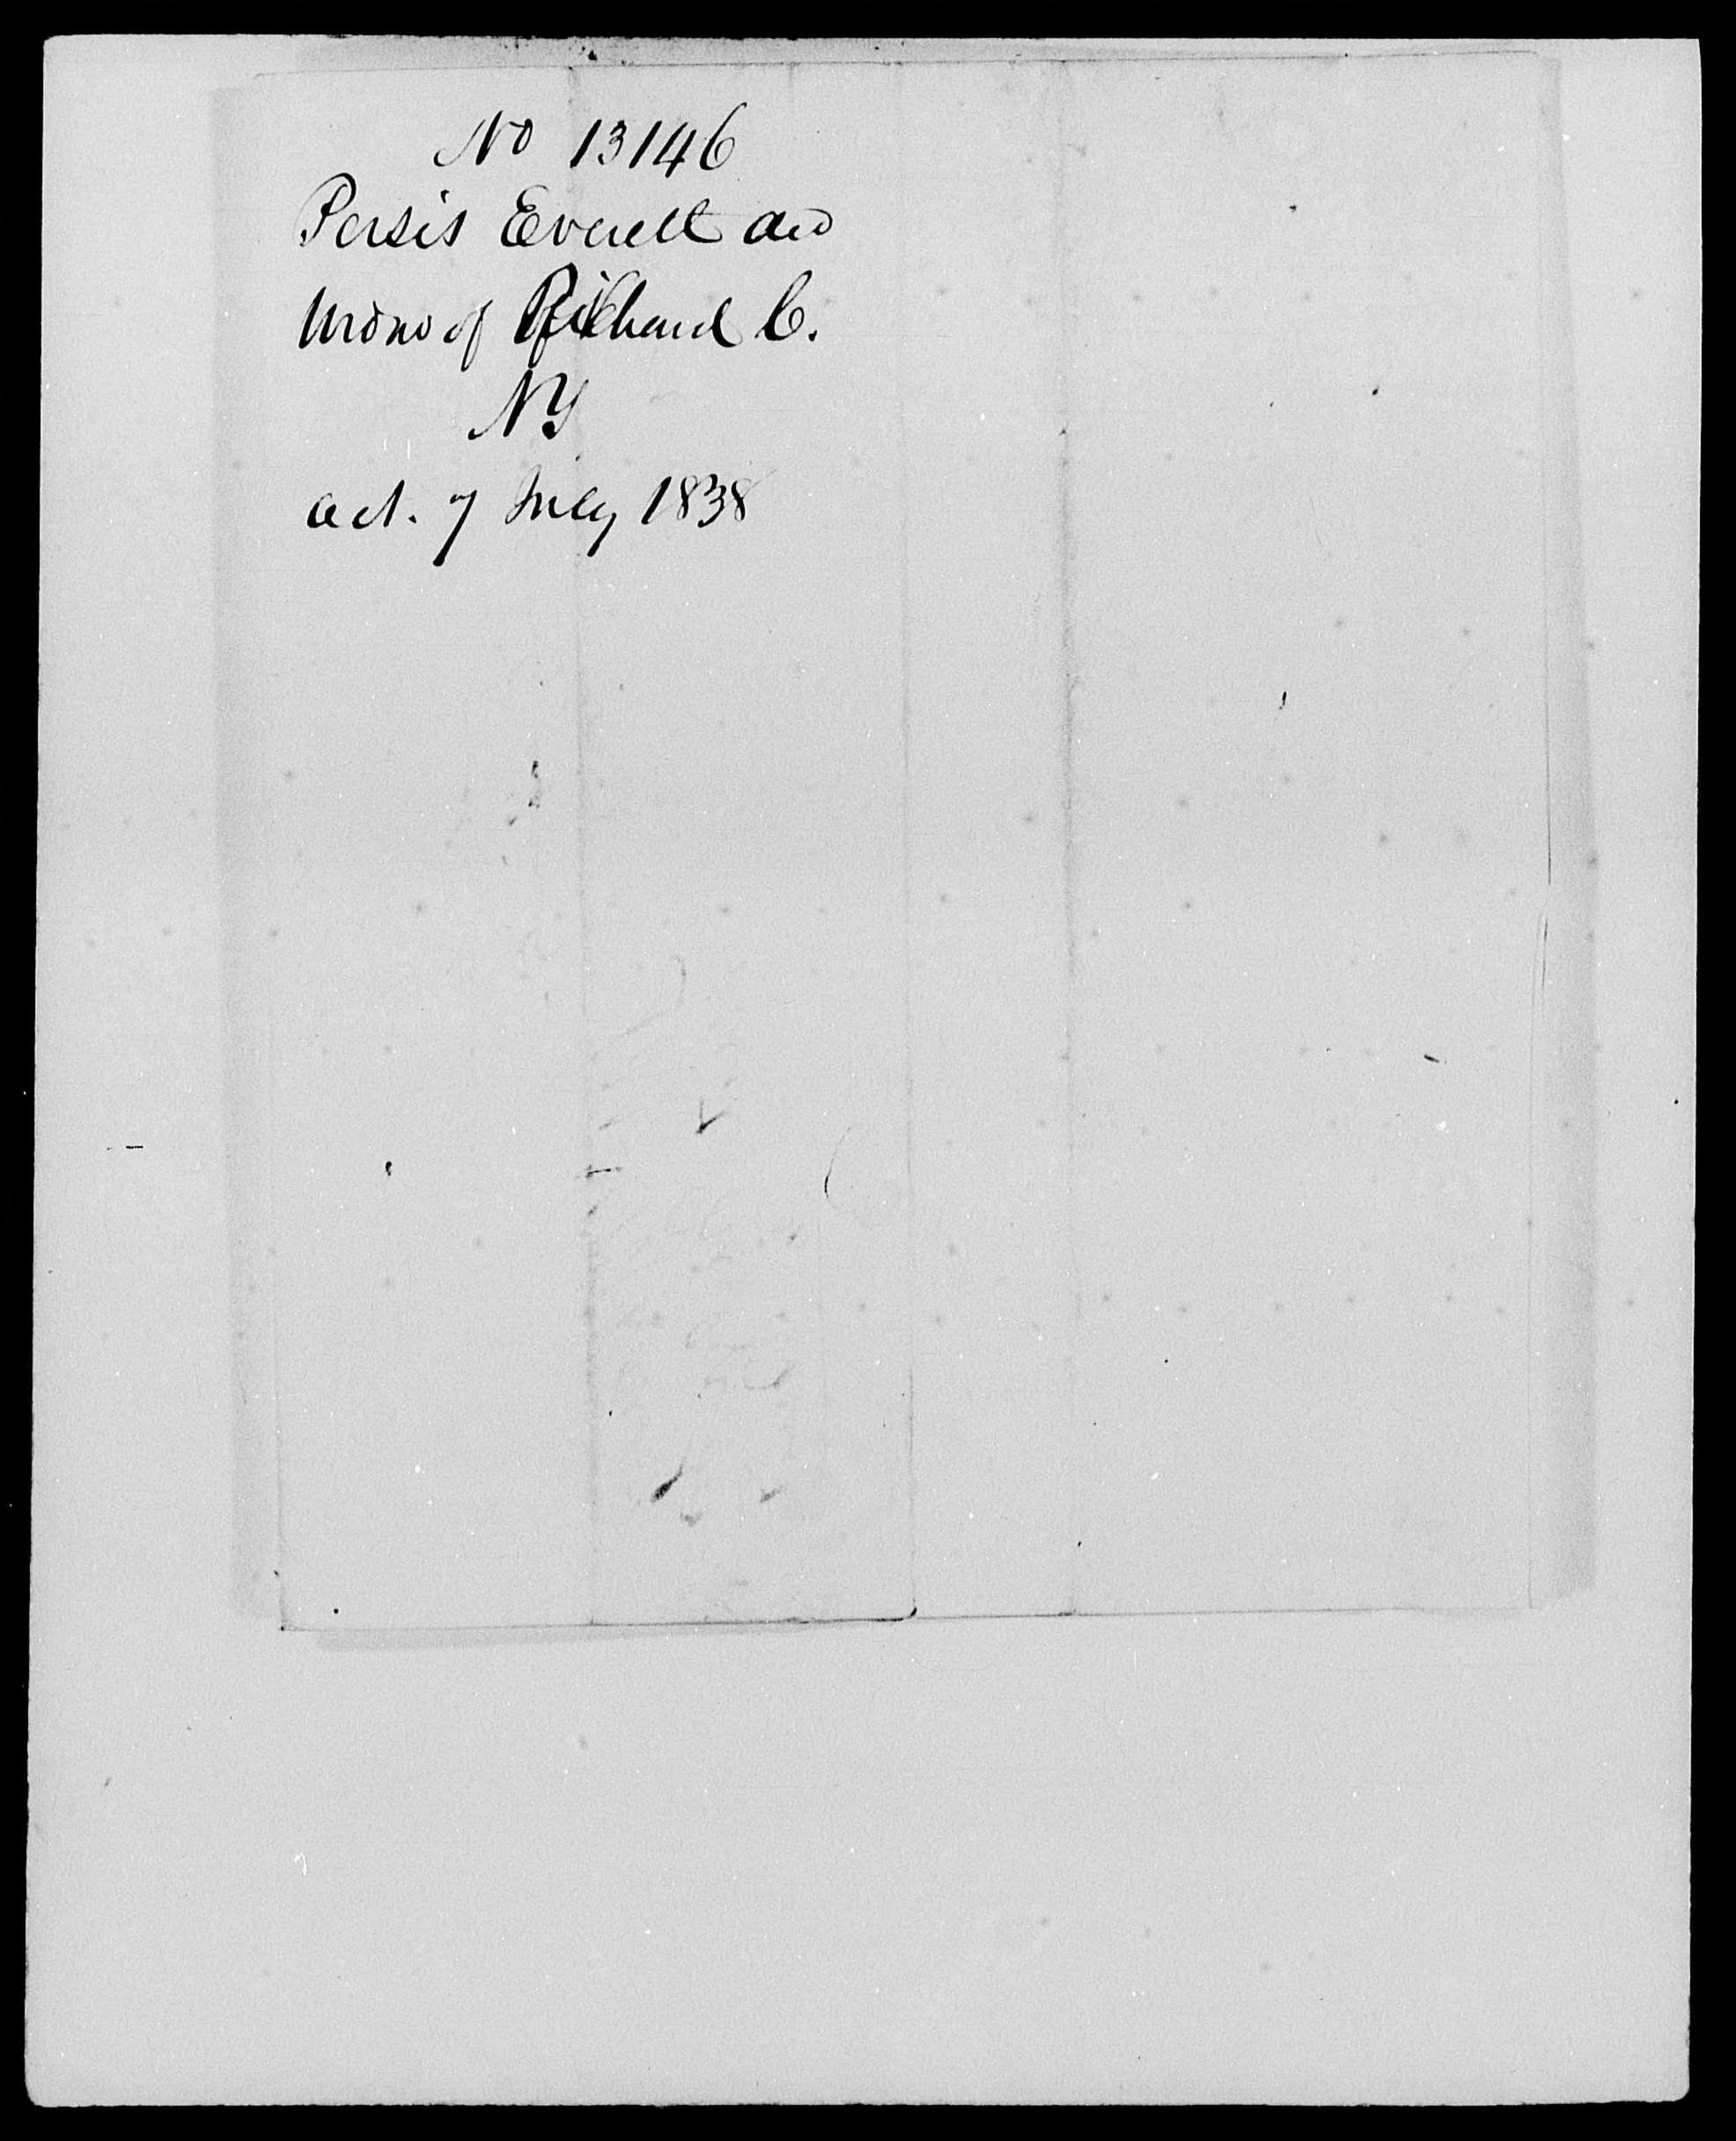No 12146
Persis Everett ded
Widow of Richard C.
NY
act. 7 July 1838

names: Persis Everett, Richard C Everett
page: 4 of 59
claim: widow's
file: W. 23017, Richard Clair Everett, Mass.